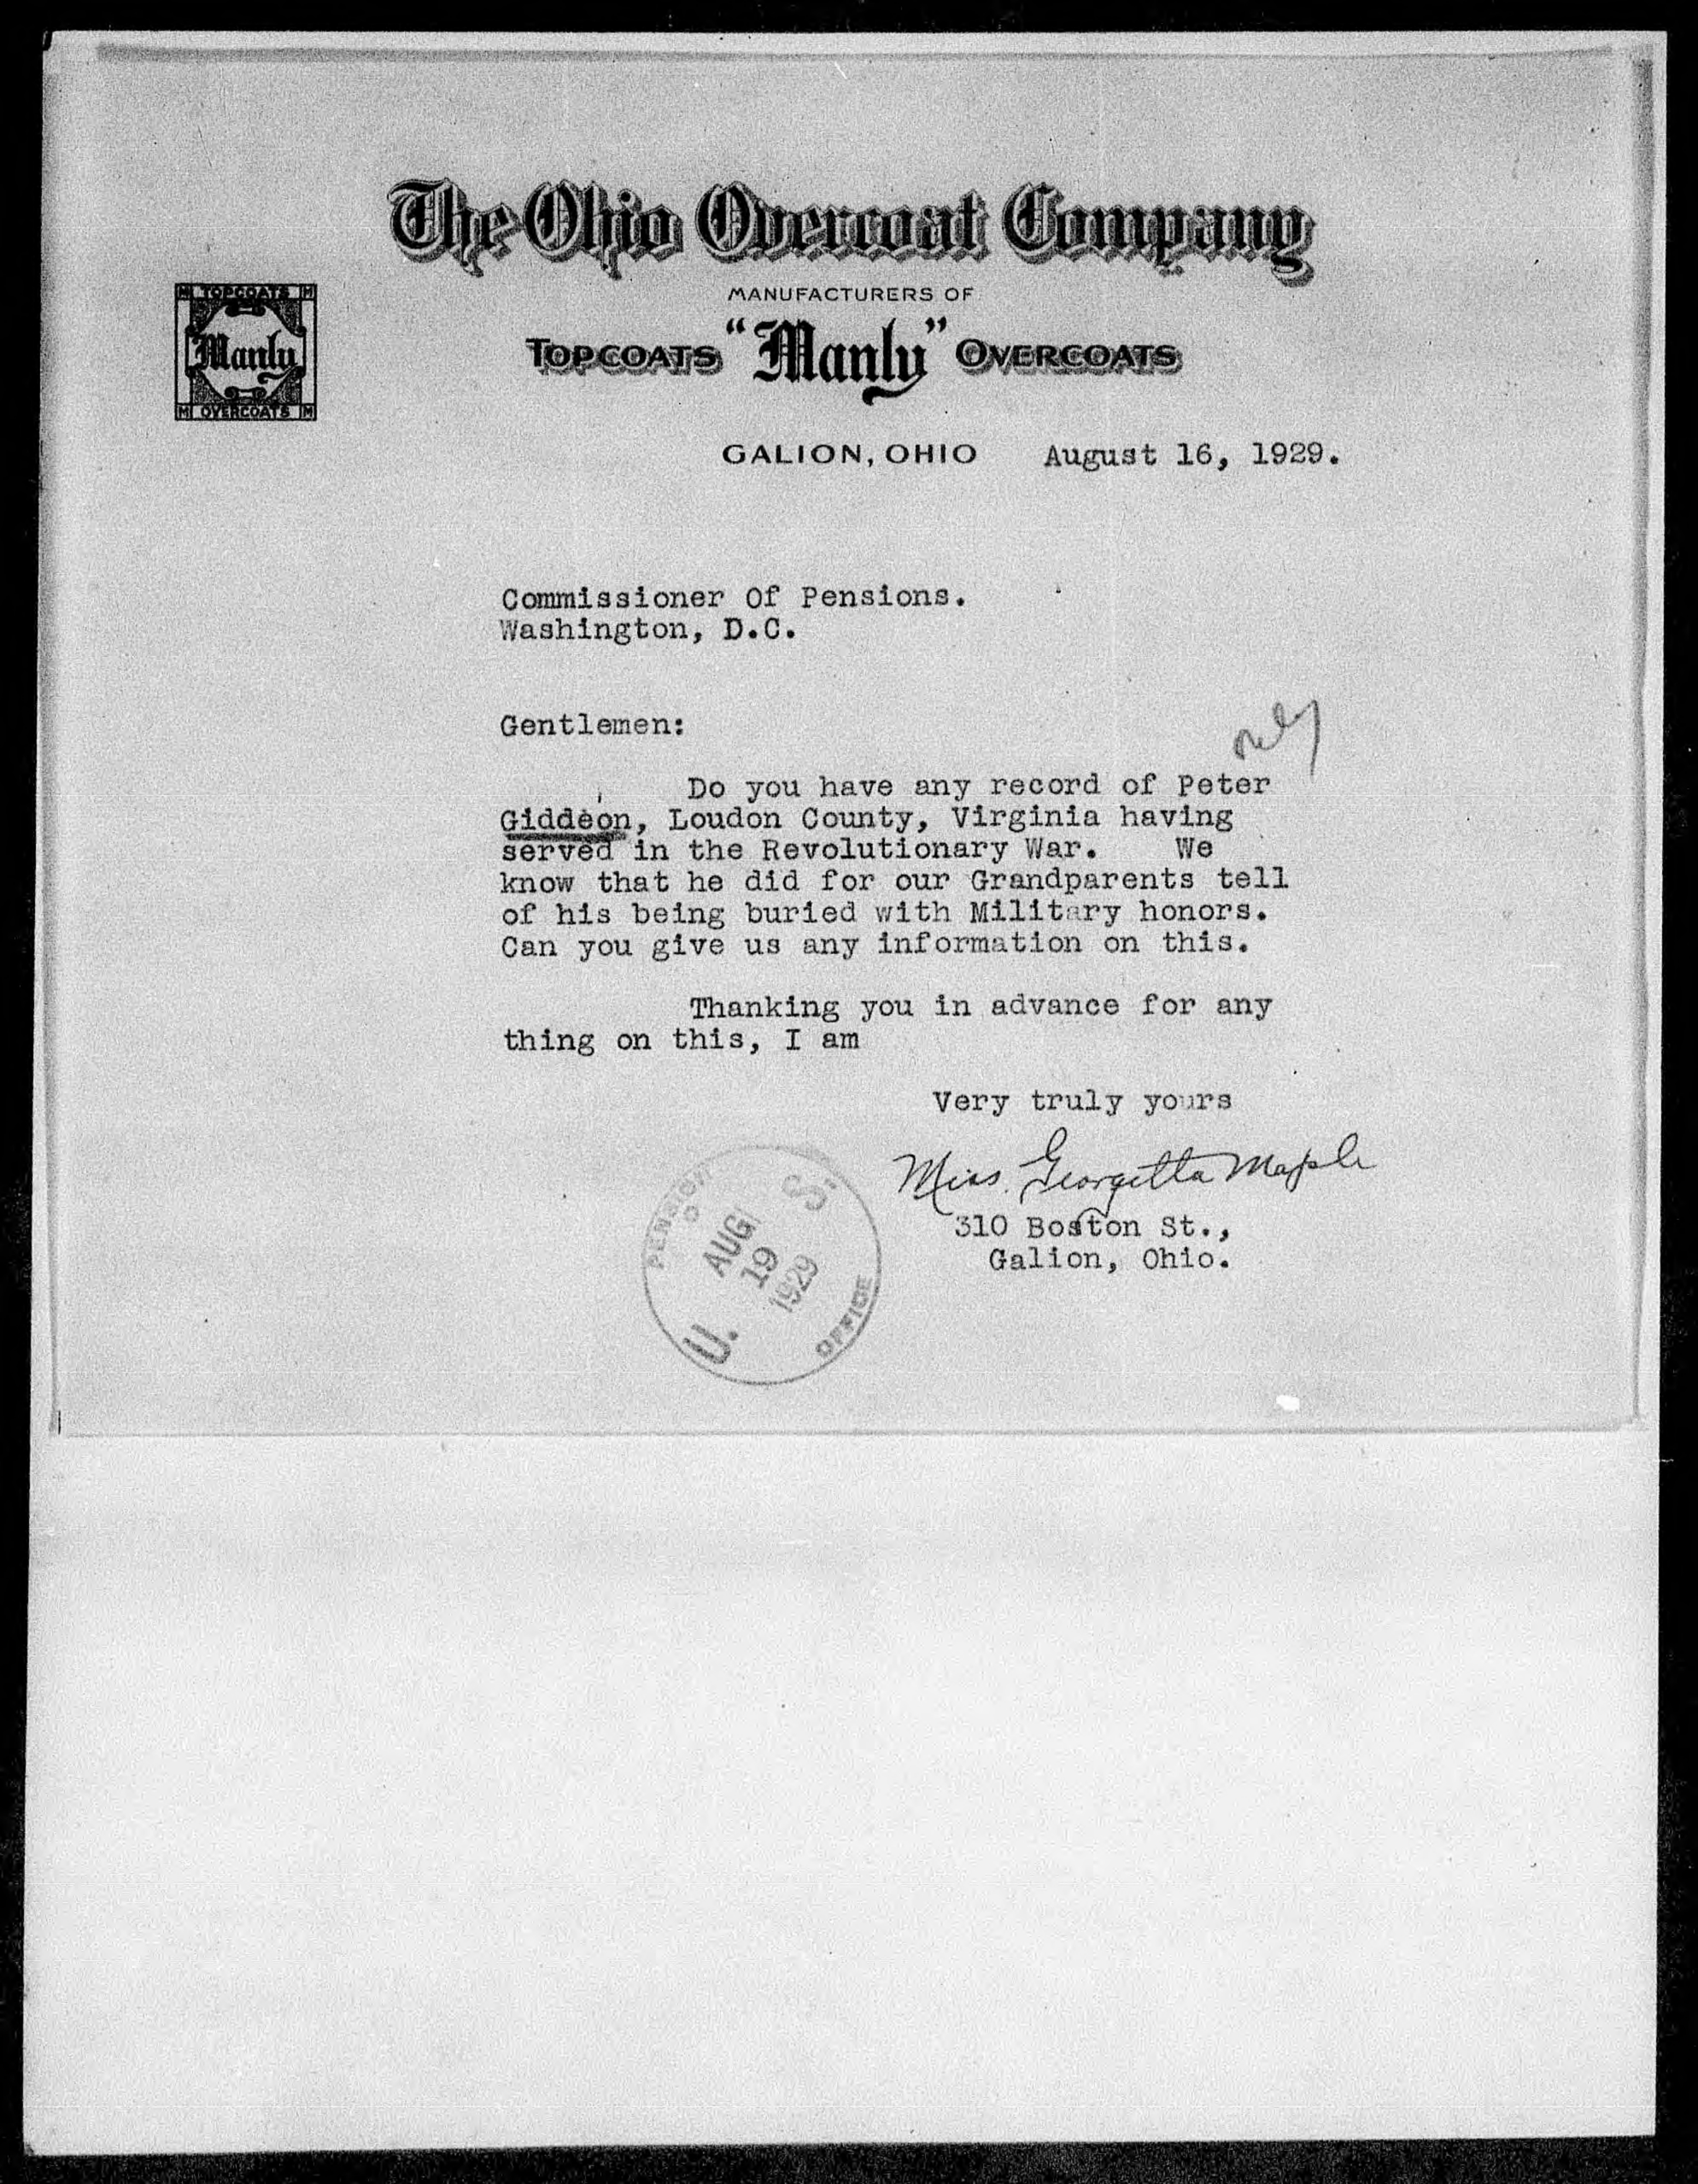The OHIO Overcoat Company

MANUFACTURERS OF
"Manly" Topcoats Overcoats

GALION, OHIO 

August 16, 1929.
Commissioner of Pensions,
Washington, D.C.

Gentlemen:
Do you have any record of Peter
Giddeon, Loudon County, Virginia having
served in the Revolutionary War.
We know that he did for our Grandparents tell
of his being buried with Military honors.
Can you give us any information on this

Thanking you in advance for any
thing on this, I am

Very truly yours
Mrs. Georgetta Maple
310 Boston St.,
Galion, Ohio.

[stamped received Aug 19 1929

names: Peter Giddeon, Georgetta Maple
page: 41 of 64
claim: survivor's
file: S. 6887, Peter Gideon, Md.